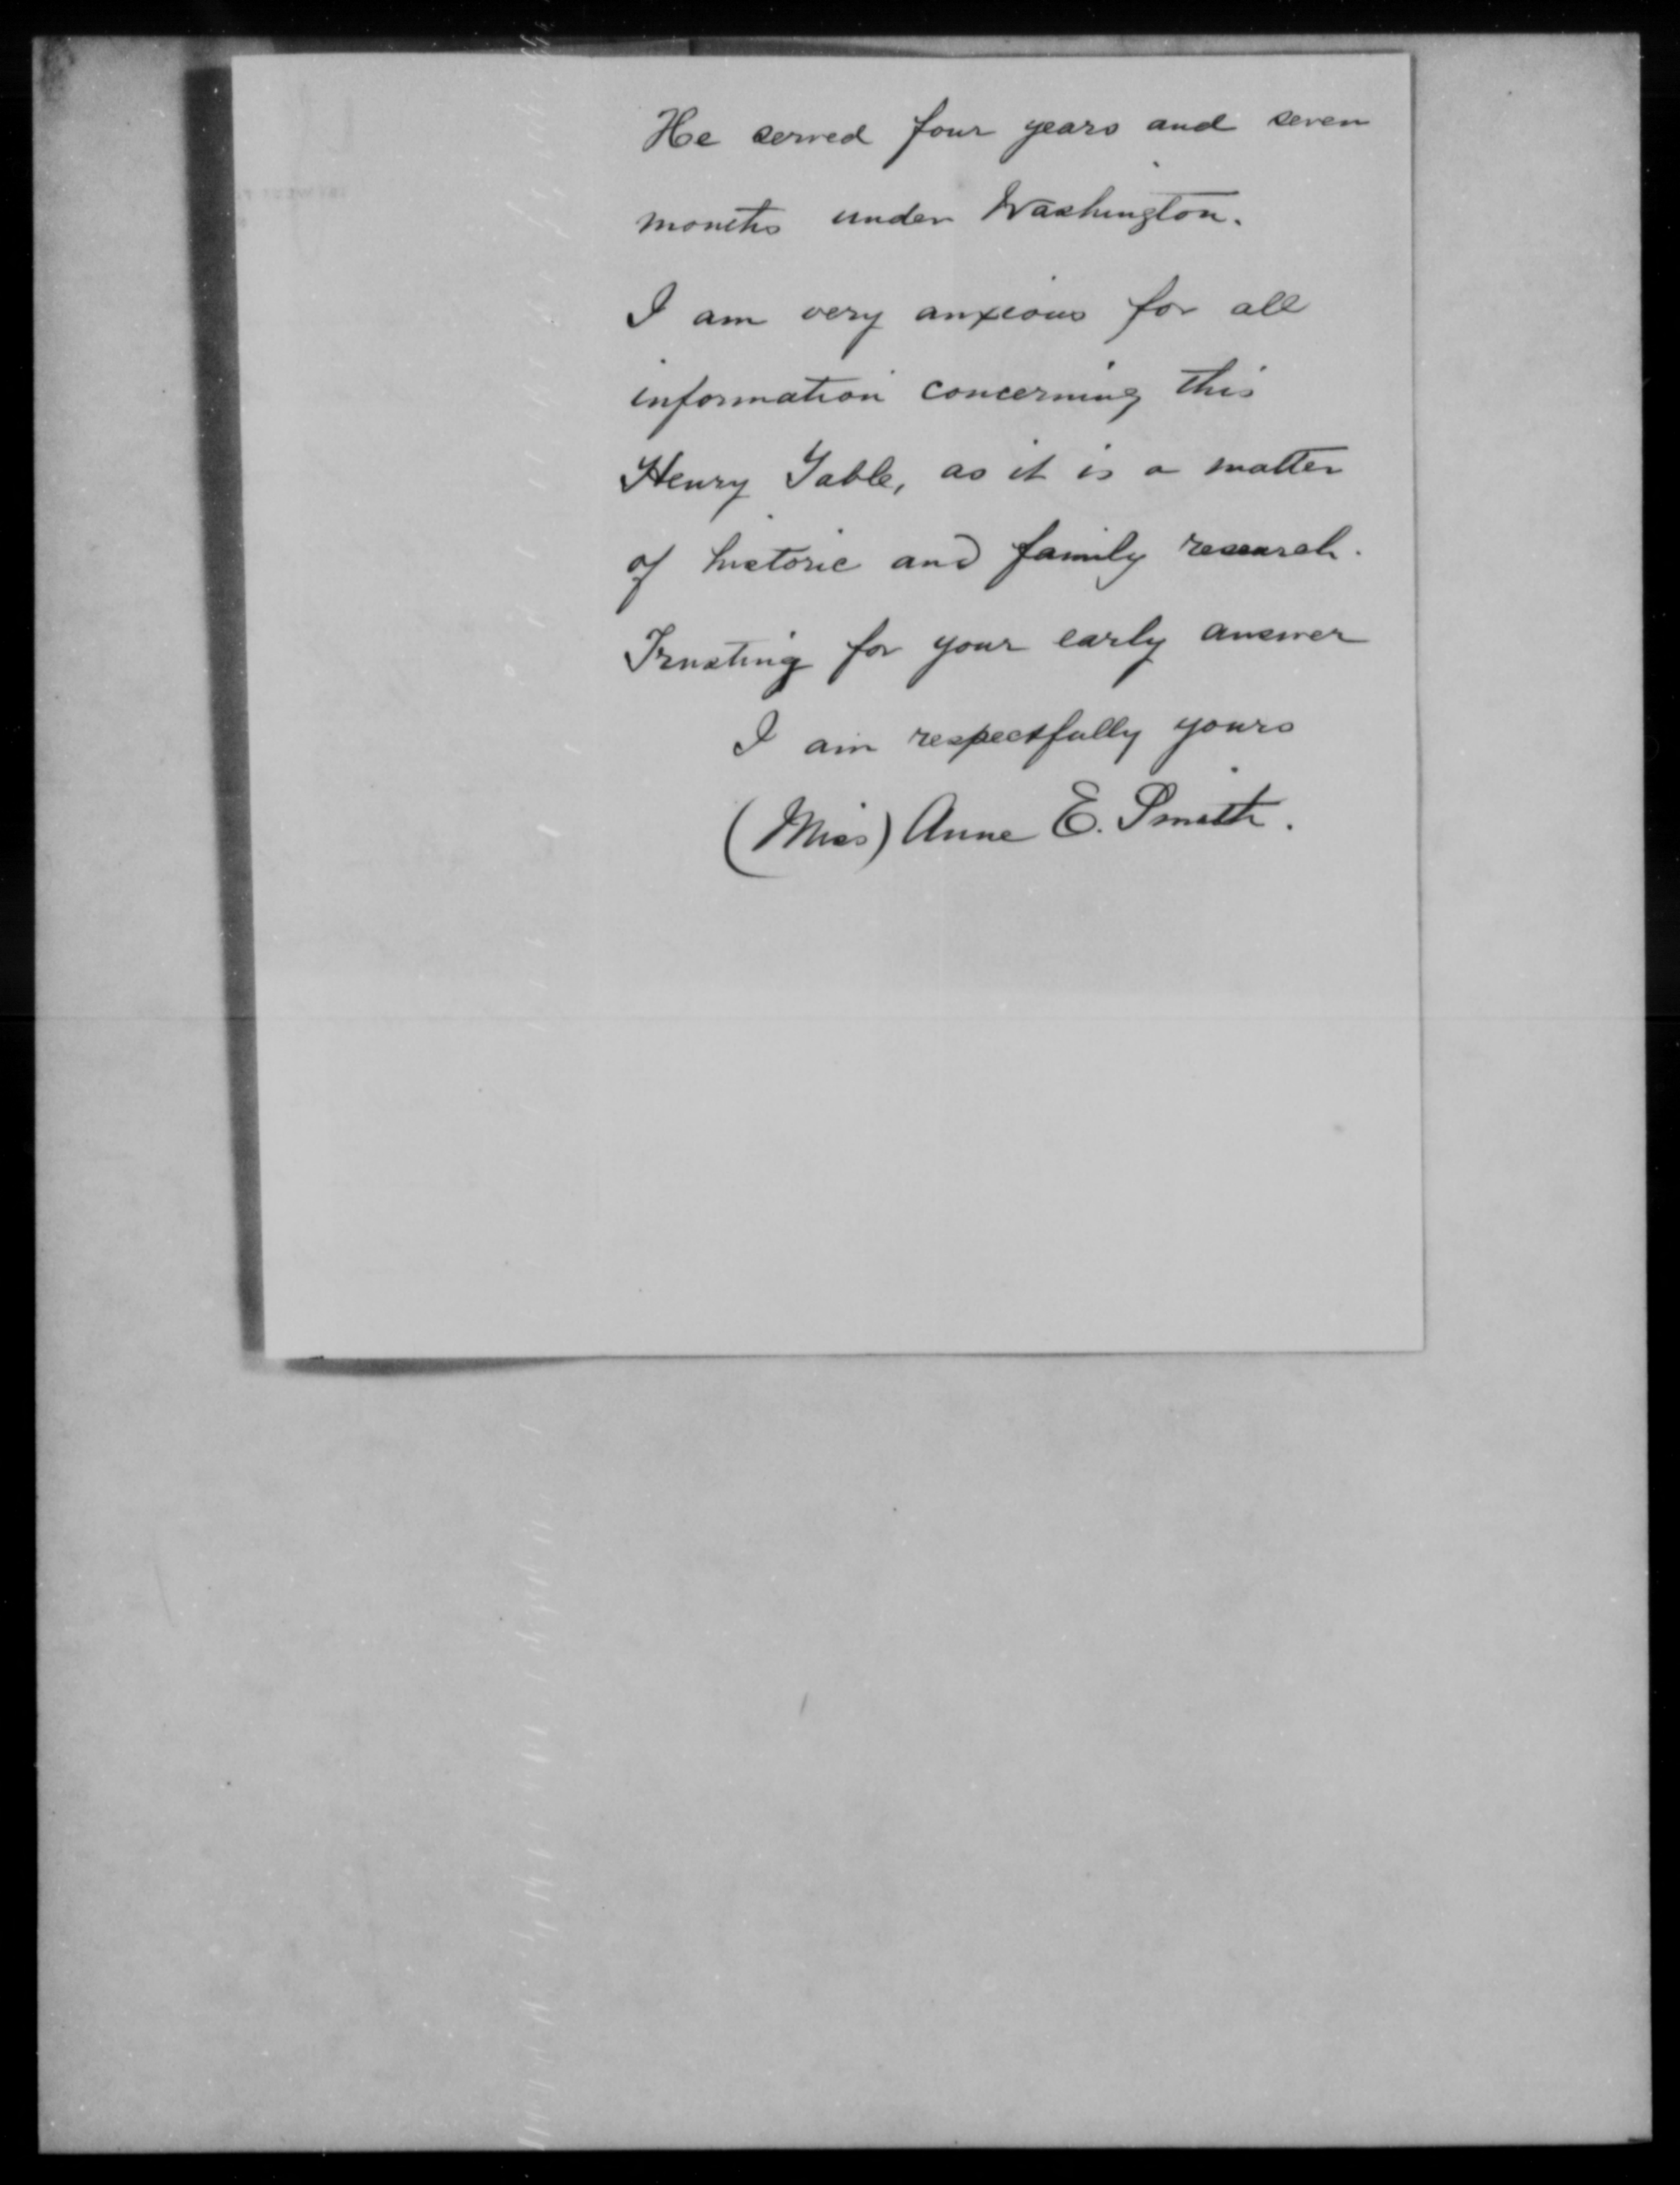He served four years and seven
months under Washington.
I am very anxious for all
information concerning this
Henry Yable, as it is a matter
of historic and family research.
Trusting for your early answer
I am respectfully yours
(Miss) Anne E. Smith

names: Anne E Smith, Washington, Henry Yable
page: 24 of 75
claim: widow's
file: W. 3326, Henry Yebel, Continental (Penn.)